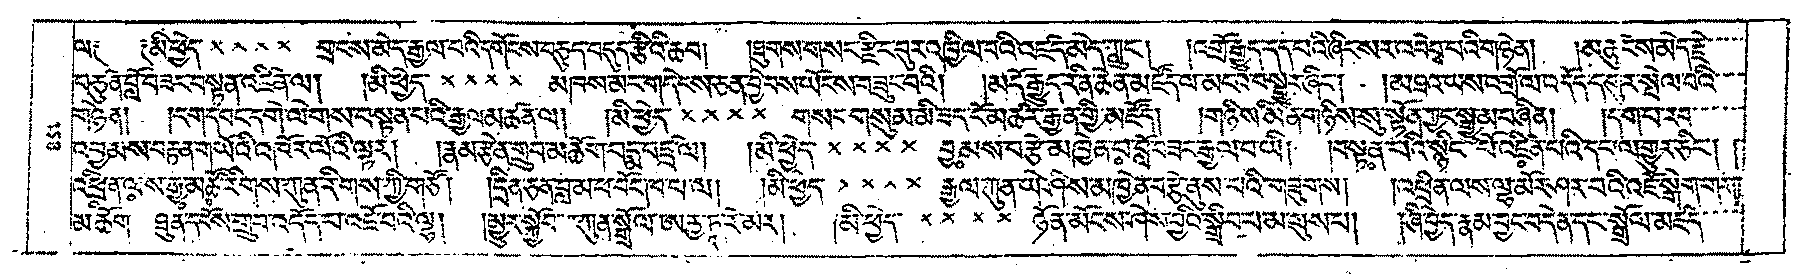ལ༑ ༑མི་ཕྱེད་྾་྾་྾་྾་གྲངས་མེད་རྒྱལ་བའི་དགོངས་བཅུད་བདུད་རྩིའི་ཆབ། །ཐུགས་གསང་རྫིང་བུར་འཁྱིལ་བའི་འཛད་མེད་ཀླུང་། །འགྲོ་རྒྱུད་དད་པའི་ཞིང་སར་འབེབས་པའི་གཉེན། །མཚུངས་མེད་རྗེ་
བཙུན་བློ་བཟང་བསྟན་འཛིན་ལ། །མི་ཕྱེད་྾་྾་྾་྾་མཁས་མང་གདེངས་ཅན་བྱེ་བས་ཡོངས་བཟུང་བའི། །མདོ་རྒྱུད་རིན་ཆེན་མཛོད་ལ་མངའ་བསྒྱུར་ཞིང་། །མཐའ་ཡས་འགྲོ་ལ་འདོད་དགུར་སྤེལ་བའི་
གཉེན། །ངག་དབང་དགེ་ལེགས་བསྟན་པའི་རྒྱལ་མཚན་ལ། །མི་ཕྱེད་྾་྾་྾་྾་གསང་གསུམ་མི་ཟད་ངོ་མཚར་རྒྱན་གྱི་མཛོད། །གཉིས་མིན་གཉིས་སུ་སྟོན་ཀྱང་སྒྱུ་མ་བཞིན། །དག་པ་རབ་
འབྱམས་བརྟན་གཡོའི་འཁོར་ལོའི་ལྟར། །རྣམ་རྩེན་གྲུབ་མཆོག་པདམ་བཛྲ་ལ། །མི་ཕྱེད་྾་྾་྾་྾་བྱམས་བརྩེ་མཁྱེན་པ་བློ་བཟང་རྒྱལ་བ་ཡི། །བསྟན་པའི་སྙིང་པོ་འཛིན་པའི་དཔལ་གྱུར་ཅིང་། །
འཕྲིན་ལས་རྒྱ་མཚོ་རིགས་ཀུན་རིགས་ཀྱི་གཙོ། །དྲིན་ཅན་བླ་མ་ཕ་བོང་ཁ་པ་ལ། །མི་ཕྱེད་྾་྾་྾་྾་རྒྱལ་ཀུན་ཡེ་ཤེས་མཁྱེན་བརྩེ་ནུས་པའི་གཟུགས། །འཕྲིན་ལས་ལྷ་མོར་ཤར་བའི་འཇོ་སྒེག་གར། །
མཆོག་ཐུན་དངོས་གྲུབ་འདོད་པ་འཇོ་བའི་ལྷ། །མྱུར་སྐྱོབ་ཀུན་སྒྲོལ་ཨ་རྱ་ཏཱ་རེ་མར། །མི་ཕྱེད་྾་྾་྾་྾་ཉོན་མོངས་ཤེས་བྱའི་སྒྲིབ་པ་མ་ལུས་པ། །ཞི་བྱེད་རྣམ་བྱང་བདེན་དང་སྒྲོལ་མཛད་